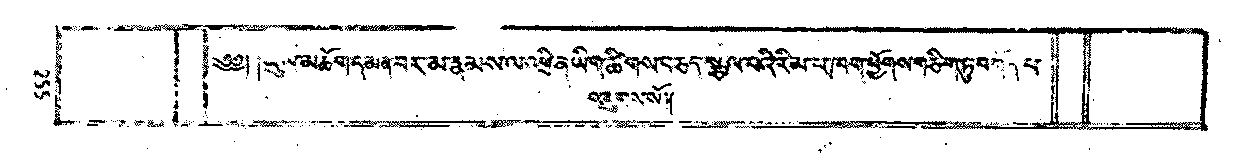༄༅། །ཡུལ་མཆོག་དམན་བར་མ་རྣམས་ལ་འཕྲིན་ཡིག་ཚིགས་བཅད་སྩལ་བའི་རིམ་པ་ཁག་ཕྱོགས་གཅིག་ཏུ་བཀོད་པ་བཞུགས་སོ།།